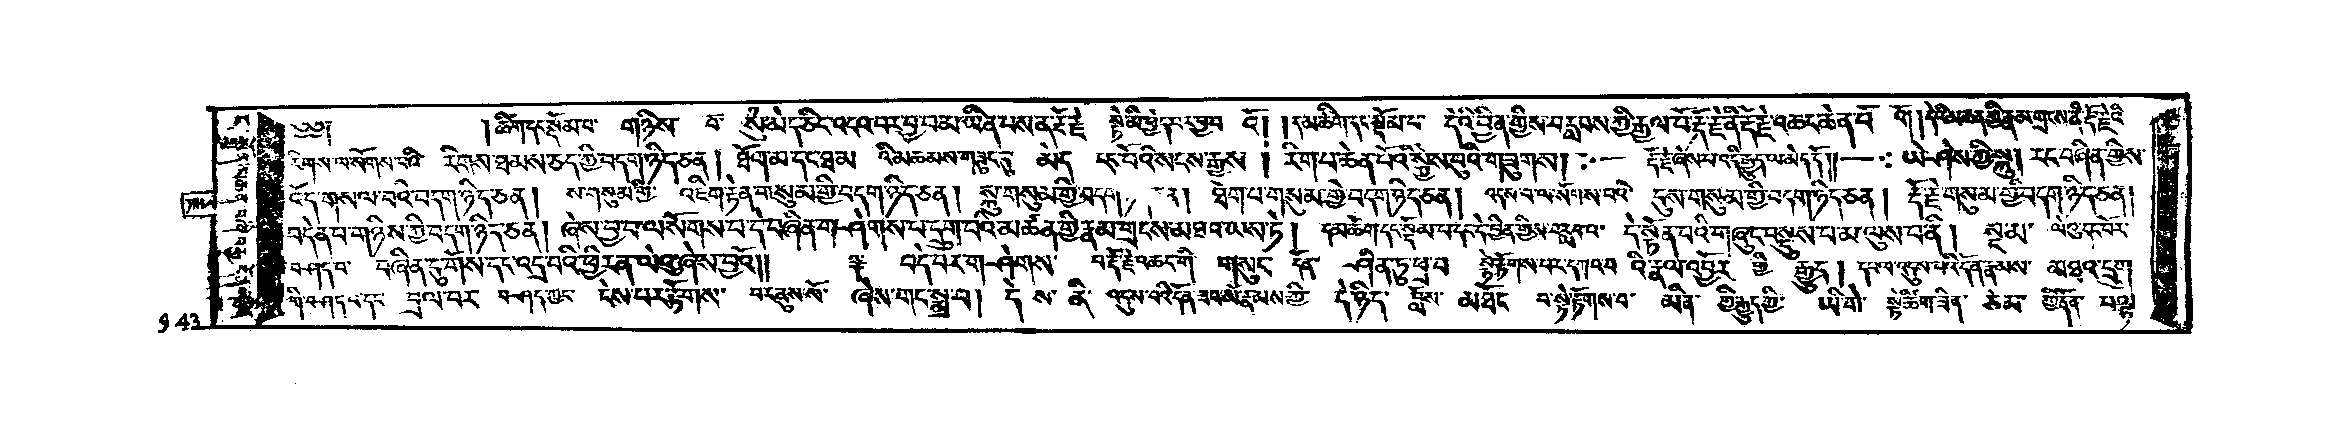༄༅། ། ཚིག་དང་སྡོམ་པ་གཉིས་ཁ྄་པོ་སུ ༡་མེད་ཅིང་འདའ་བར་བྱ་བ་མ་ཡིན་པས་ན་རྡོ་རྗེ་སྟེ་མི་ཕྱེད་པར་བྱ་བའོ། །དམ་ཚིག་དང་སྡོམ་པ་དེའི་བྱིན་གྱིས་བརླབས་ཀྱི་རྒྱལ་པོ་རྡོ་རྗེ་ནི་རྡོ་རྗེ་འཆང་ཆེན་པོའོ། །དེའི་མཚན་གྱི་རྣམ་གྲངས་ནི་རྡོ་རྗེའི་
རིགས་ལ་སོགས་པའི་རིགས་ཐམས་ཅད་ཀྱི་བདག་ཉིད་ཅན། ཐོག་མ་དང་ཐ་མའི་མཚམས་གཟུང་དུ་མེད་པ་དང་པོའི་སངས་རྒྱས། རིག་པ་ཆེན་པོའི་སྐྱེས་བུའི་གཟུགས། H.་རྡོ་རྗེ་ཞེས་པ་འདི་རྒྱུད་ལ་མེད་དོ།།  .H ཡེ་ཤེས་ཀྱི་སྐུ། རང་བཞིན་གྱིས་
འོད་གསལ་བའི་བདག་ཉིད་ཅན། ས་གསུམ་གྱི་འཇིག་རྟེན་གསུམ་གྱི་བདག་ཉིད་ཅན། སྐུ་གསུམ་གྱི་བདག་ཉིད་ཅན། ཐེག་པ་གསུམ་གྱི་བདག་ཉིད་ཅན། འདས་པ་ལ་སོགས་པའི་དུས་གསུམ་གྱི་བདག་ཉིད་ཅན། རྡོ་རྗེ་གསུམ་གྱི་བདག་ཉིད་ཅན།
བདེན་པ་གཉིས་ཀྱི་བདག་ཉིད་ཅན། ཞེས་བྱ་བ་ལ་སོགས་པ་དེ་བཞིན་གཤེགས་པ་དྲུག་པའི་མཚན་གྱི་རྣམ་གྲངས་མཐའ་ཡས་ཏེ། དམ་ཚིག་དང་སྡོམ་པ་དང་དེ་བྱིན་གྱིས་བརླབ་པ་དེ་སྟོན་པའི་གཞུང་བསྡུས་པ་མ་ལུས་པ་ནི། སྔ་མ་ལེའུ་དང་པོར་
བཤད་པ་བཞིན་དུ་གོས་དང་འདྲ་བའི་ཕྱིར་ན་ལེའུ་ཞེས་བྱའོ།། ༈ བདེ་བར་གཤེགས་པ་རྡོ་རྗེ་འཆང་གི་གསུང་དོན་ཤིན་ཏུ་ཕྲ་བ་སྟེ་རྟོགས་པར་དཀའ་བའི་རྣལ་འབྱོར་གྱི་རྒྱུད། དཔལ་འདུས་པའི་དོན་རྣམས་མཐའ་དྲུག་
གི་བཤད་པ་དང་བྲལ་བར་བཤད་ཀྱང་ངེས་པར་རྟོགས་པར་ནུས་སོ་ཞེས་གང་སྨྲ་བ། དེ་བ་ནི་འདུས་པའི་དོན་ཟབ་མོ་རྣམས་ཀྱི་དེ་ཉིད་བློས་མཐོང་བ་སྟེ་རྟོགས་པ་མིན་གྱི་རྒྱུད་ཀྱི་ཡི་གེ་སྟེ་ཚིག་ཟིན་ཙམ་གྱི་དོན་བལྟ་